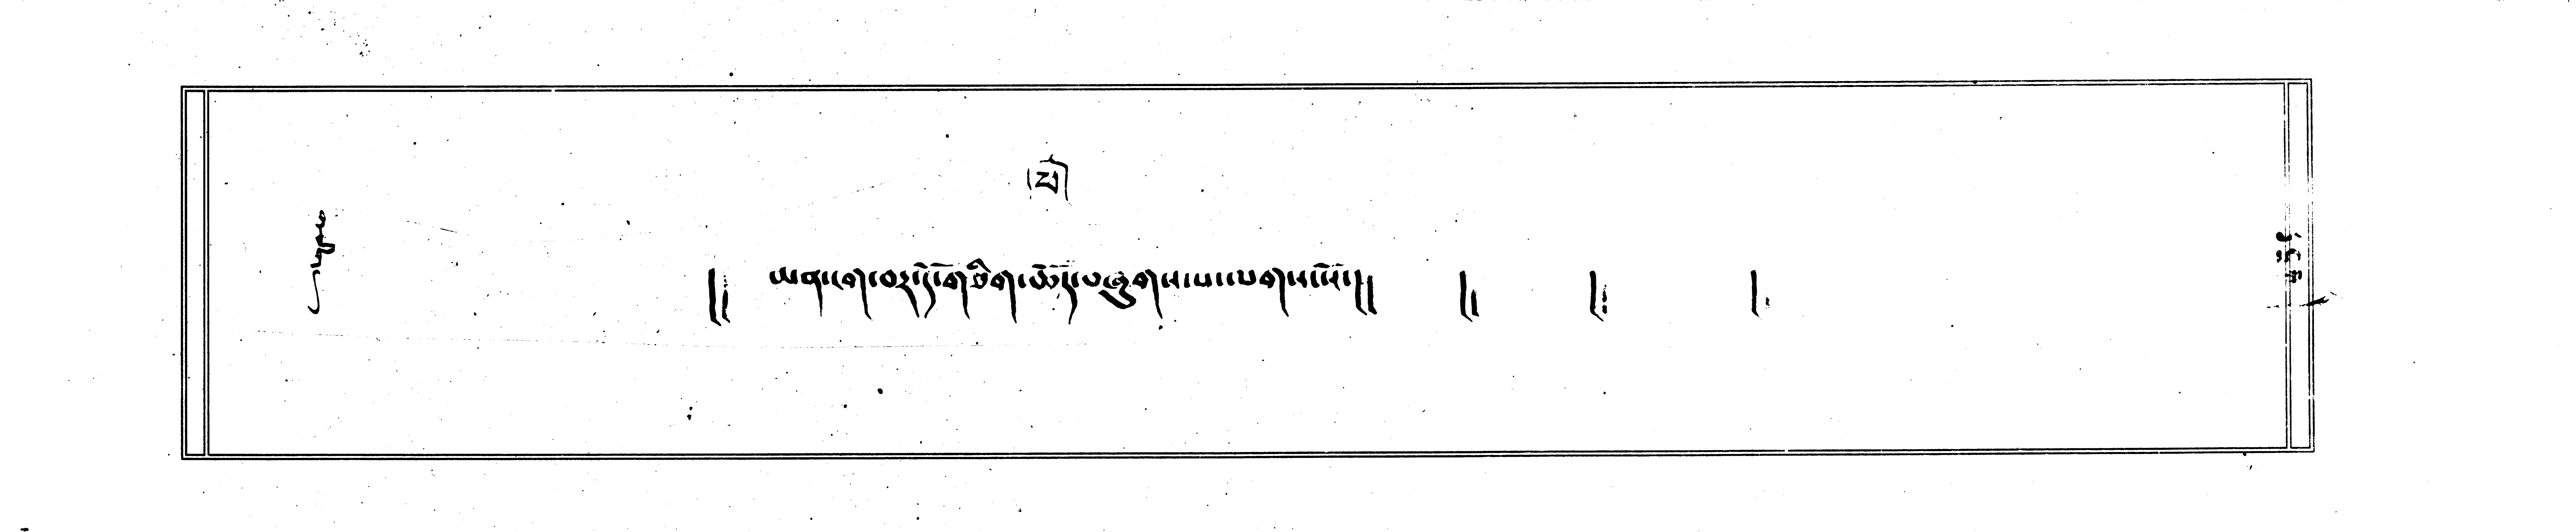༼ཕ༽།། མན་ངག་བར་དོ་གཅིག་ཆོད་བཞུགས་པ་ལགས་སོ།།